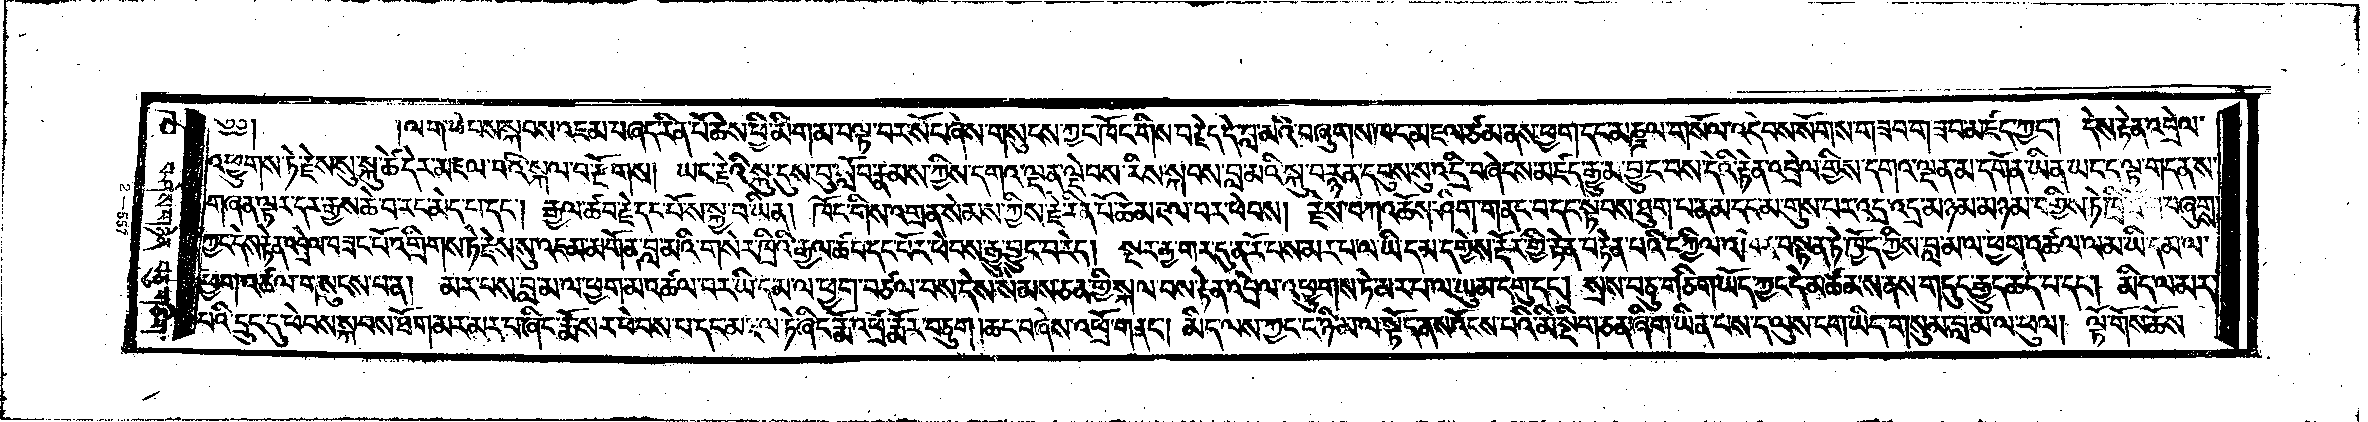༄༅། །ལག་ཕེབས་སྐབས་འཇམ་བཞད་རིན་པོ་ཆེས་ཕྱི་མིག་མ་བལྟ་བར་སོང་ཞེས་གསུངས་ཀྱང་ཁོང་གིས་བརྗེད་དེ་བླ་མའི་བཞུགས་ཁང་མཇལ་ཙམ་ནས་ཕྱག་དང་མཎྜལ་གསོལ་འདེབས་སོགས་གཟབ་གཟབ་མཛད་ཀྱང་། དེས་རྟེན་འབྲེལ་
འཕྱུགས་ཏེ་རྗེས་སུ་སྐུ་ཚེ་དེར་མཇལ་བའི་སྐལ་བ་རྫོགས། ཡང་རྗེའི་སྐུ་དུས་བུ་སློབ་རྣམས་ཀྱིས་དགའ་ལྡན་ལྡེབས་རིས་སྐབས་བླ་མའི་སྐུ་བརྙན་དབུས་སུ་འདྲི་བཞེངས་མཛད་རྒྱུ་མ་བྱུང་བས་དེའི་རྟེན་འབྲེལ་གྱིས་དགའ་ལྡན་མ་དགོན་ཡིན་ཡང་ད་ལྟ་གདན་ས་
གཞན་ལྟར་དར་རྒྱས་ཆེ་བ་རང་མེད་པ་དང་། རྒྱལ་ཚབ་རྗེ་དང་པོ་ས་སྐྱ་བ་ཡིན། ཁོང་གིས་འགྲན་སེམས་ཀྱིས་རྗེ་རིན་པོ་ཆེ་མཇལ་བར་ཕེབས། རྗེས་བཀའ་ཆོས་ཤིག་གནང་བ་དང་སྟབས་ཐུག་པ་ན་མ་དང་མ་གུས་པར་འདྲ་འདྲ་མཉམ་མཉམ་བགྱིས་ཏེ་ཁྲི་ཐོག་བཞུགས་
ཀྱང་དེས་རྟེན་འབྲེལ་བཟང་པོ་འགྲིགས་ཏེ་རྗེས་སུ་འཇམ་མགོན་བླ་མའི་གསེར་ཁྲིའི་རྒྱལ་ཚབ་དང་བོར་ཕེབས་རྒྱུ་བྱུང་བ་རེད། སྔར་རྒྱ་གར་དུ་ན་རོ་པས་མར་པ་ལ་ཡི་དམ་དགྱེས་རྡོར་གྱི་རྟེན་བརྟེན་པའི་དཀྱིལ་འཁོར་བསྟན་ཏེ་ཁྱོད་ཀྱིས་བླ་མ་ལ་ཕྱག་འཚལ་ལམ་ཡི་དམ་ལ་
ཕྱག་འཚལ་གསུངས་པ་ན། མར་པས་བླ་མ་ལ་ཕྱག་མ་འཚལ་བར་ཡི་དམ་ལ་ཕྱག་བཙལ་བས་དེས་སེམས་ཅན་གྱི་སྐལ་བས་རྟེན་འབྲེལ་འཕྱུགས་ཏེ་མར་པ་ལ་ཡུམ་དགུ་དང་། སྲས་བཅུ་གཅིག་ཡོད་ཀྱང་དེ་མཚམས་ནས་གདུང་རྒྱུད་ཆེད་པ་དང་། མིད་ལ་མར་
པའི་དྲུང་དུ་ཕེབས་སྐབས་ཐོག་མར་མར་པ་ཞིང་རྨོས་ར་ཕེབས་པ་དང་མཇལ་ཏེ་ཞིང་རྨོ་འཕྲོ་རྨོར་བཅུག །ཆང་བཞེས་འཕྲོ་གནང་། མིད་ལས་ཀྱང་ང་ཉི་མ་ལ་སྟོད་ནས་འོངས་པའི་མི་སྡིག་ཅན་ཞིག་ཡིན་པས་ད་ལུས་ངག་ཡིད་གསུམ་བླ་མ་ལ་ཕུལ། ལྟོ་གོས་ཆོས་